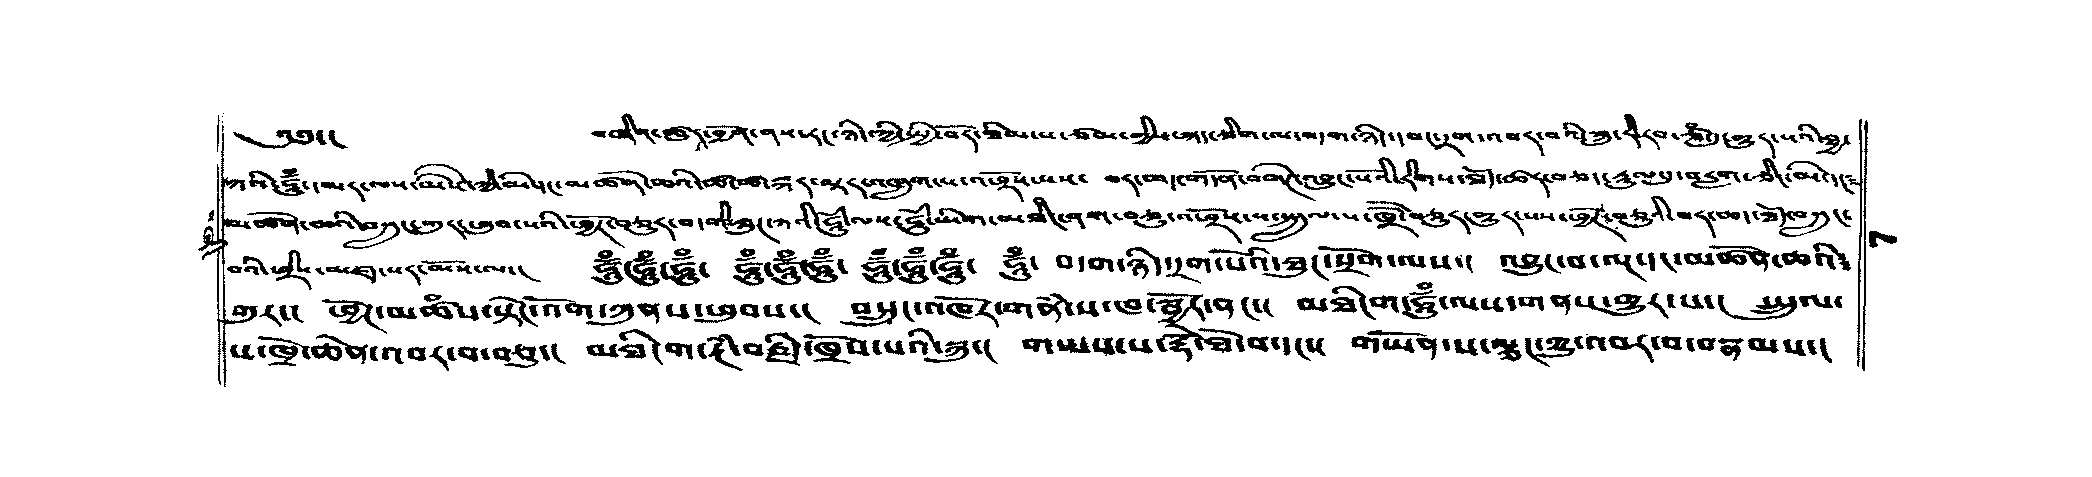བཞིན་ཚུར་བྱོན་ནས་རང་ཉིད་ཀྱི་སྤྱི་བོར་ཐིམ་པ་ཙམ་གྱི་སྐད་ཅིག་ལ་བདག་ཉིད་དབང་དྲག་འབར་བའི་སྐུ་རི་རབ་ཙམ་དུ་གྱུར་པའི་ཐུགས་
ཀའི་ཧཱུྃ་དམར་ལས་མེ་རིས་ཀྱི་མེ་དང་མཚོན་ཆའི་ཚ་ཚ་སྐར་ལྟར་འཁྲུག་པ་འཕྲོས་པས། བར་ཆད་གདོན་བགེགས་འབྱུང་པོའི་རིགས་ཐམས་ཅད་རྡུལ་དུ་བརླག་ཅིང་མེ་དང་
མཚོན་ཆའི་བསྲུང་གུར་ཕུབ་པའི་ཕྱོགས་བཅུར་བདག་གི་ཐུགས་ཀའི་ཧཱུྃ་ལས་ཧཱུྃ་ཡིག་མཐིང་ནག་བཅུ་འཕྲོས་པ་སྤྲུལ་པ་ཁྲོ་བོ་བཅུར་གྱུར་པས་ཕྱོགས་བཅུའི་བར་ཆད་ཐམས་ཅད་བསྲུང་
བའི་ཕྲིན་ལས་མཛད་པར་མོས་ལ། ཧཱུྃ་ཧཱུྃ་ཧཱུྃ། ཧཱུྃ་ཧཱུྃ་ཧཱུྃ། ཧཱུྃ་ཧཱུྃ་ཧཱུྃ། ཧཱུྃ། བདག་ཉིད་དྲག་པོའི་ཐུགས་སྲོག་ལས། །འབྱུང་བ་ལྔ་དང་མཚོན་ཆའི་
གུར། །ཕྱོགས་མཚམས་སྟེང་འོག་ཀུན་ནས་ཕུབས། །བསྲུང་འཁོར་གནམ་ས་ཁ་སྦྱོར་ནང་། །མཐིང་ནག་ཧཱུྃ་ལས་གནས་གྱུར་པ། །སྤྲུལ་
པ་ཁྲོ་ཆེན་འབར་བ་བཅུ། །མཐིང་ནག་རྔམ་བརྗིད་ཁྲོས་པའི་སྐུ། །གཡས་པ་རྡོ་རྗེ་ཐོ་བ་དང་། །གཡོན་པ་ལྕགས་ཀྱུ་འབར་བ་བསྣམས། །